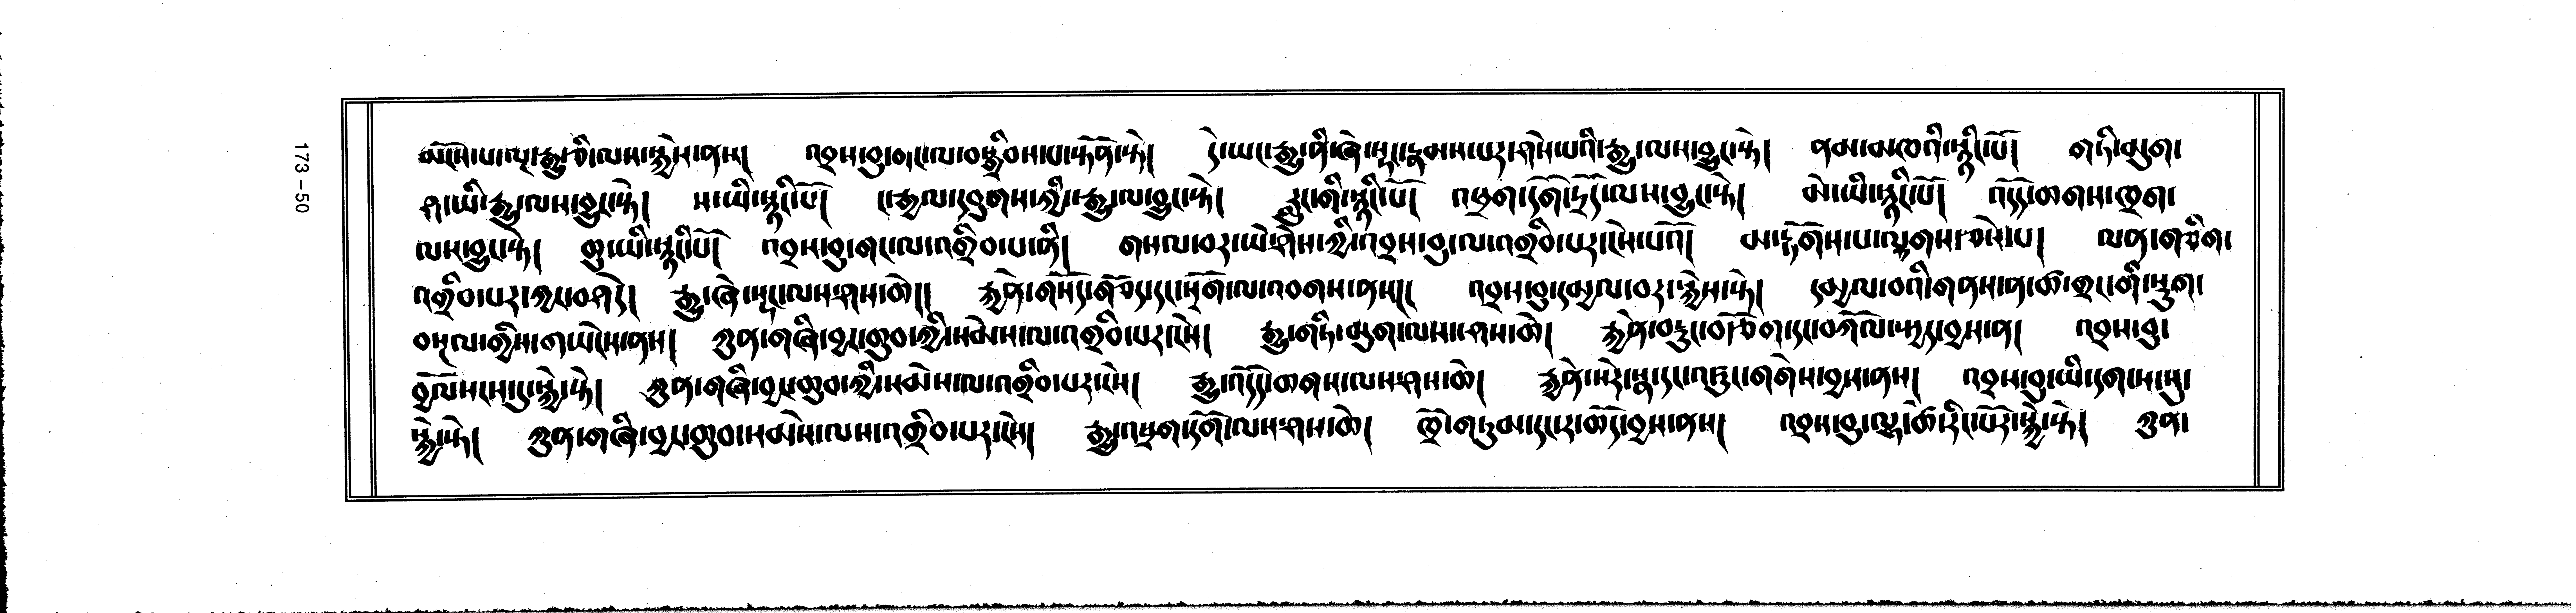མོངས་པ་ལྔ་རྒྱུ་ཅི་ལས་སྐྱེས་ནས། འབྲས་བུ་གང་ལ་བསྒྲིབས་པ་སྟོན་ཏེ། དེ་ཡང་རྒྱུ་ནི་ཞེ་སྡང་རྣམ་པར་ཤེས་པའི་རྒྱུ་ལས་བྱུང་སྟེ། ནམ་མཁའི་སྙིང་པོ། གཏི་མུག་
ཤ་ཡི་རྒྱུ་ལས་བྱུང་སྟེ། ས་ཡི་སྙིང་པོ། ང་རྒྱལ་དབུགས་ཀྱི་རྒྱུ་ལས་བྱུང་སྟེ། རླུང་གི་སྙིང་པོ། ཕྲག་དོག་དྲོད་ལས་བྱུང་སྟེ། མེ་ཡི་སྙིང་པོ། འདོད་ཆགས་ཁྲག་
ལས་བྱུང་སྟེ་ཆུ་ཡི་སྙིང་པོ། འབྲས་བུ་གང་ལ་འགྲིབ་པ་ནི། གསལ་བར་ཡེ་ཤེས་ཀྱི་འབྲས་བུ་ལ་འགྲིབས་པར་ངེས་པའོ། །མ་རྟོགས་པ་ལྷག་ཅེས་པ། ལན་གཅིག་
འགྲིབ་པར་ཀྱང་བཤད་དེ། རྒྱུ་ཞེ་སྡང་ཤས་ཆེ། རྐྱེན་གསོད་གཅོད་དང་སྲོག་ལ་འབགས་ནས། འབྲས་བུ་དམྱལ་བར་སྐྱེས་སྟེ། དམྱལ་བའི་གནས་ན་ཚ་གྲང་གི་སྡུག་
བསྔལ་གྱིས་གཡེངས་ནས། ཀུན་གཞི་བྱང་ཆུབ་ཀྱི་སེམས་ལ་འགྲིབ་པར་ངེས། རྒྱུ་གཏི་མུག་ཤས་ཆེ། རྐྱེན་བརྡུང་བཙོག་དང་བཀོལ་སྤྱད་བྱས་ན། འབྲས་བུ་བྱོལ་སོང་དུ་
སྐྱེ་སྟེ། ཀུན་གཞི་བྱང་ཆུབ་ཀྱི་སེམས་ལ་འགྲིབ་པར་ངེས། རྒྱུ་ཕྲག་དོག་ལས་ཤས་ཆེ། ཁྲོ་གཏུམ་དང་ར་ཆོད་བྱས་ནས། འབྲས་བུ་ལྷ་ཚེ་རིང་པོར་སྐྱེ་སྟེ། ཀུན་